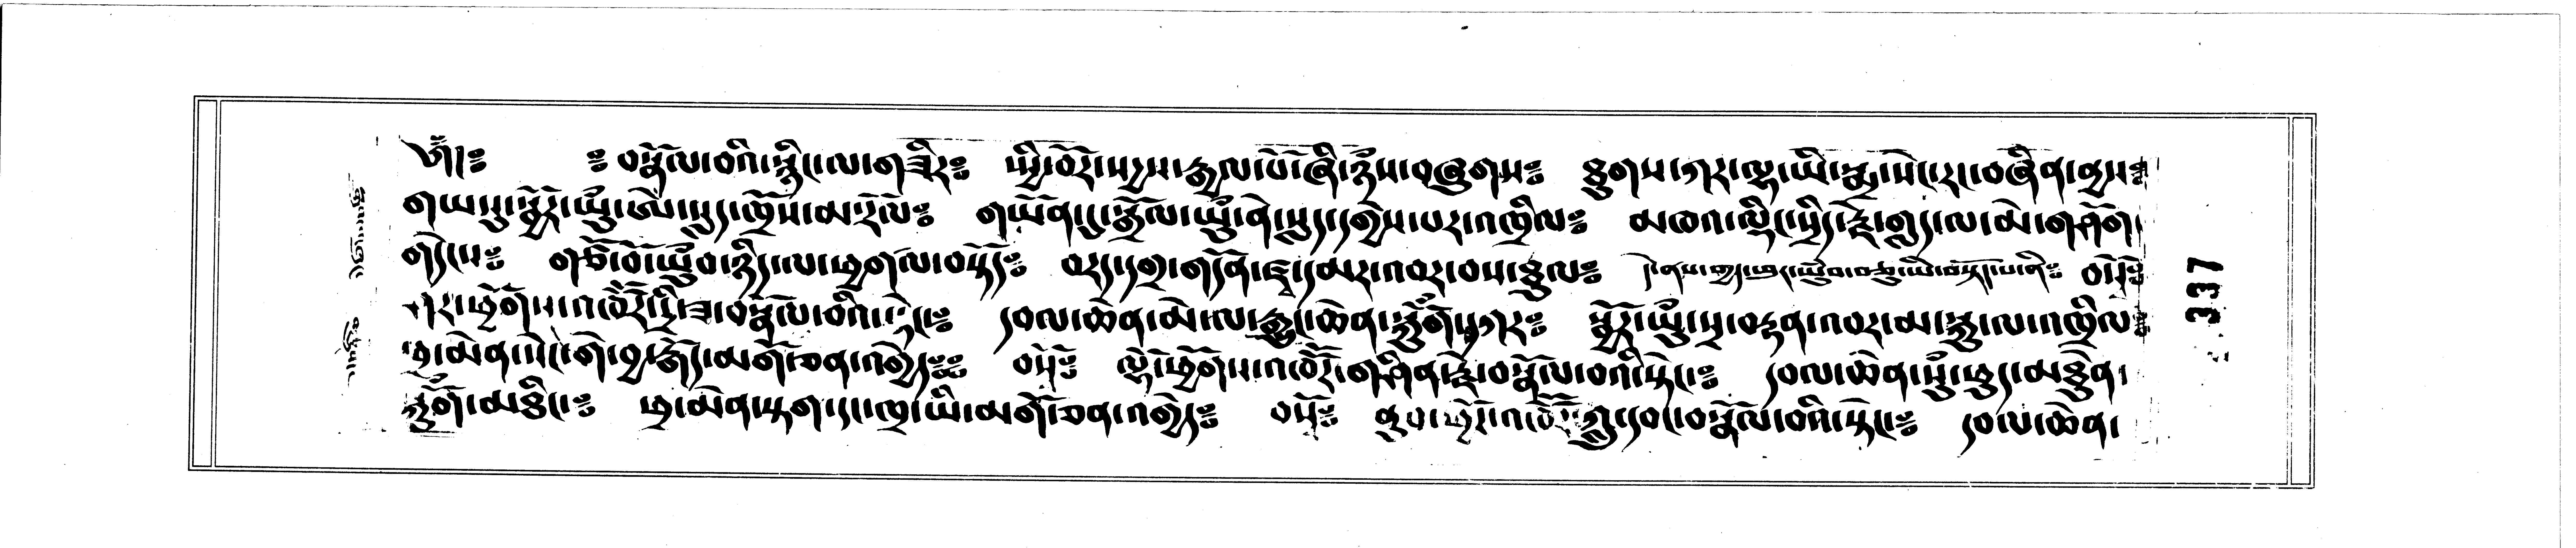བསྣོལ་བའི་སྙིང་ལ་གཟིར༔ སྤྱི་བོར་སངས་རྒྱས་རྒྱལ་པོ་ཞི་ཉམས་བཞུགས༔ ཐུགས་དཀར་ལྷ་ཡི་སྨྲ་སེང་རང་བཞིན་གནས༔ 
གཡས་སུ་སྦྱོར་ཡུམ་ཨེ་སླད་ཁྲོས་མ་རོལཿ གཡོན་དུ་སྒྲོལ་ཡུམ་ནེ་སླད་དགྱེས་པར་འཁྲིལ༔ མཁའ་ལྡིང་སྲིད་རྗེ་གླད་ལ་མེ་གཤོག་
གདོངས༔ གཙོ་བོ་ཡབ་ཡུམ་ཉིད་ལ་ཕྱག་འཚལ་བསྟོད༔ བར་ཆད་དགྲ་གདོན་ཛྭ་དམར་འབར་བས་ཐུལ༔ དེ་ནས་གྱད་ཕུར་ཡབ་ཡུམ་བཅུ་ཡི་བསྟོད་པ་ནི༔ བསྭོ༔ 
ཤར་ཕྱོགས་འཁོར་ལོ་དྲི་ཟ་བསྣོལ་བའི་སྟེང་༔ དབལ་ཆེན་མེ་ལ་རྒྱུང་ཆེན་སྐུ་མདོག་དཀར༔ སྦྱོར་ཡུམ་སྲ་བརྟན་འབར་མ་སྐུ་ལ་འཁྲིལ༔ 
ཕྲ་མེན་སེང་གེ་བྱ་རྒོད་མགོ་ཅན་འགྱེད༔༔ བསྭོ༔ ལྷོ་ཕྱོགས་འཁོར་ལོ་གཤིན་རྗེ་བསྣོལ་བའི་སྟེང་༔ དབལ་ཆེན་སུམ་ཕུད་མཐུ་ཆེན་
སྐུ་མདོག་མཐིང་༔ ཕྲ་མེན་སྟག་དང་ཁྲ་ཡི་མགོ་ཅན་འགྱེད༔ བསྭོ༔ ནུབ་ཕྱོགས་འཁོར་ལོ་ཀླུ་དབང་བསྣོལ་བའི་སྟེང་༔ དབལ་ཆེན་